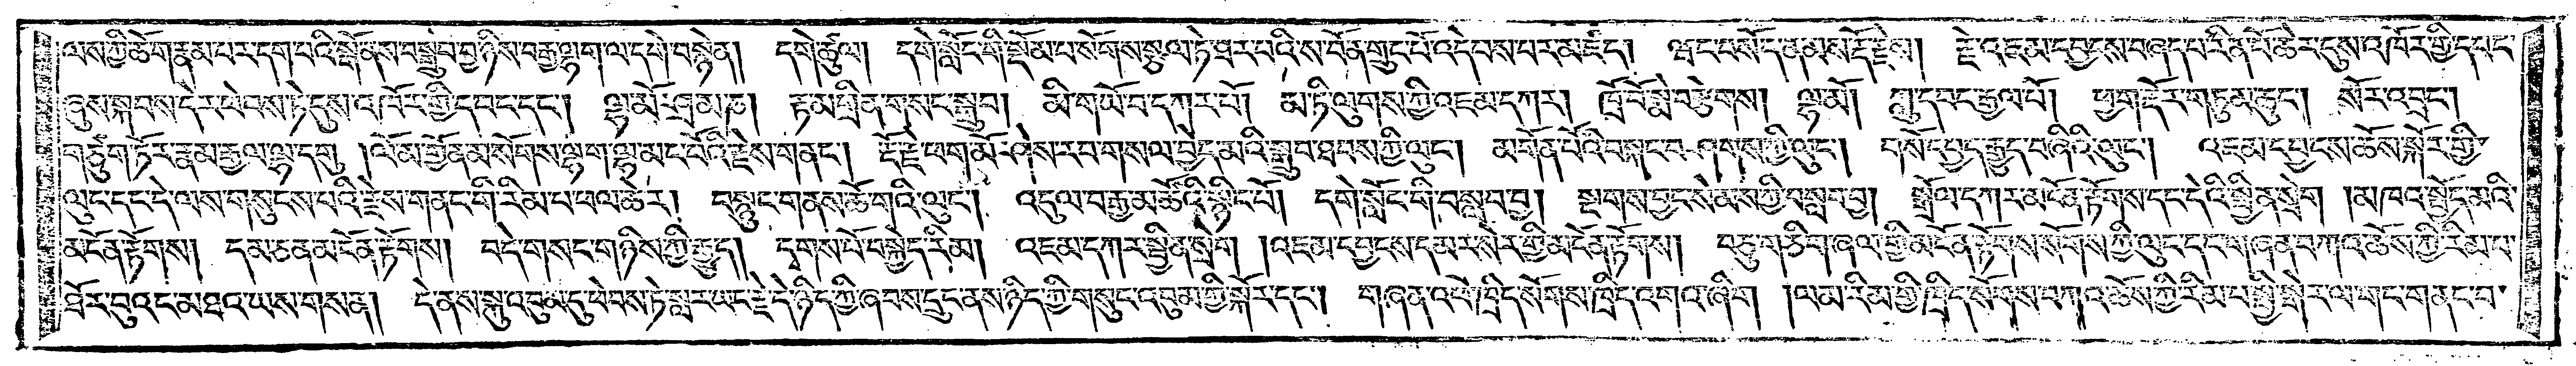ལས་ཀྱི་ཆོག་རྣམ་པར་དག་པའི་སྒོ་ནས་བསྒྲུབ་བྱ་ཉིས་བརྒྱ་ལྷག་ལ་དགེ་བསྙེན། དགེ་ཚུལ། དགེ་སློང་གི་སྡོམ་པ་སོགས་སྩལ་ཏེ་ཐར་པའི་ས་བོན་གྲུང་པོ་འདེབས་པར་མཛད། ཝང་བསོད་ནམས་རྡོ་རྗེས། རྗེ་འཇམ་དབྱངས་བཞད་པ་རིན་པོ་ཆེར་དུས་འཁོར་གྱི་དབང་
ཞུས་སྐབས་དེར་ཕེབས་ཏེ་དུས་འཁོར་གྱི་དབང་དང་། ལྷ་མོ་ཤྲ་མ་ཎ། རྟ་མགྲིན་གསང་སྒྲུབ། མི་གཡོ་བ་དཀར་བོ། མ་ཏི་ལུགས་ཀྱི་འཇམ་དཀར། ཁྲོ་བོ་སྨེ་བརྩེགས། ལྷ་མོ། ཀླུ་དབང་རྒྱལ་པོ། ཕྱག་རྡོར་གཏུམ་ཆུང་། སོར་འབྲང་།
གཙུག་ཏོར་རྣམ་རྒྱལ་ལྷ་དགུ །ལོ་མ་གྱོན་མ་སོགས་ལྷག་ལྷ་མང་བོའི་རྗེས་གནང་། རྡོ་རྗེ་ཕག་མོ་ཤེས་རབ་གསལ་བྱེད་མའི་སྒྲུབ་ཐབས་ཀྱི་ལུང་། མགོན་པོའི་བསྐང་བཤགས་ཀྱི་ལུང་། གསོ་དཔྱད་རྒྱུད་བཞིའི་ལུང་། འཇམ་དབྱངས་ཆོས་སྐོར་གྱི་
ལུང་དང་དེ་ལས་གསུངས་པའི་རྗེས་གནང་གི་རིམ་པ་ཕལ་ཆེར། བསྙུང་གནས་ཆོ་གའི་ལུང་། འདུལ་བ་རྒྱ་མཚོའི་སྙིང་པོ། དགེ་སློང་གི་བསླབ་བྱ། སྔགས་བྱང་སེམས་ཀྱི་བསླབ་བྱ། སྒྲོལ་དཀར་མངོན་རྟོགས་དང་དེའི་སྦྱིན་སྲེག །མཁའ་སྤྱོད་མའི་
མངོན་རྟོགས། དམ་ཅན་མངོན་རྟོགས། བདེ་གསང་གཉིས་ཀྱི་རྒྱུད། དྭགས་པོ་བསྐྱེད་རིམ། འཇམ་དཀར་སྦྱིན་སྲེག །འཇམ་དབྱངས་དམར་སེར་གྱི་མངོན་རྟོགས། བཅུ་གཅིག་ཞལ་གྱི་མངོན་རྟོགས་སོགས་ཀྱི་ལུང་དང་གཞན་བཀའ་ཆོས་ཀྱི་རིམ་པ་
ཐོར་བུའང་མཐའ་ཡས་གསན། དེ་ནས་སྐུ་འབུམ་དུ་ཕེབས་ཏེ་སླར་ཡང་རྗེ་དེ་ཉིད་ཀྱི་ཞབས་དྲུང་ནས་ཉིད་ཀྱི་གསུང་འབུམ་གྱི་སྐོར་དང་། གཞན་འཕོ་ཁྲིད་སོགས་ཁྲིད་འགའ་ཞིག །ལམ་རིམ་གྱི་ཁྲིད་སོགས་བཀའ་ཆོས་ཀྱི་རིམ་པ་སྤྱི་སྒེར་ལ་གང་གནང་བ་